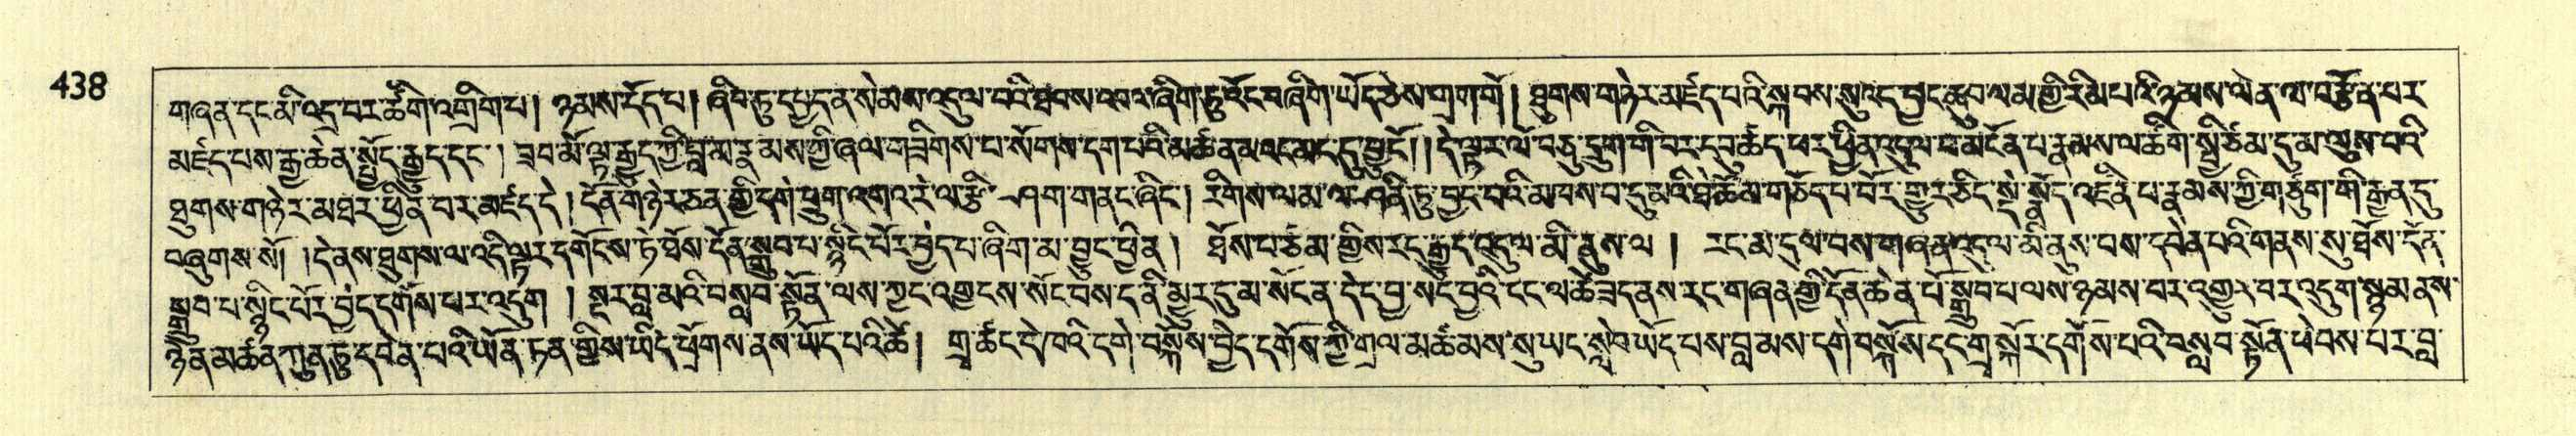གཞན་དང་མི་འདྲ་བར་ཚིག་འགྲིག་པ། ཉམས་དོད་པ། ཞིབ་ཏུ་དཔྱད་ན་སེམས་འདུལ་བའི་ཐབས་འབའ་ཞིག་ཏུ་འོང་བ་ཞིག་ཡོད་ཅེས་གྲག་གོ། ཐུགས་གཉེར་མཛད་པའི་སྐབས་སུའང་བྱང་ཆུབ་ལམ་གྱི་རིམ་པའི་ཉམས་ལེན་ལ་བརྩོན་པར་
མཛད་པས་རྒྱ་ཆེན་སྤྱོད་རྒྱུད་དང་། ཟབ་མོ་ལྟ་རྒྱུད་ཀྱི་བླ་མ་རྣམས་ཀྱི་ཞལ་གཟིགས་པ་སོགས་དག་པའི་མཚན་མའང་མང་དུ་བྱུང་ངོ། །དེ་ལྟར་ལོ་བཅུ་དྲུག་གི་བར་དབུ་ཚད་ཕར་ཕྱིན་འདུལ་བ་མངོན་པ་རྣམས་ལ་ཚིག་སྤྱི་ཙམ་དུ་མ་ལུས་པའི་
ཐུགས་གཉེར་མཐར་ཕྱིན་བར་མཛད་དེ། དོན་གཉེར་ཅན་གྱི་དགེ་ཕྲུག་འགའ་རེ་ལ་རྩི་ཤག་གནང་ཞིང་། རིགས་ལམ་ལ་ཤིན་ཏུ་བྱང་བའི་མཁས་བ་དུ་བའི་ཐེ་ཚོམ་གཅོད་པ་བོར་གྱུར་ཅིང་སྡེ་སྣོད་འཛིན་པ་རྣམས་ཀྱི་གཙུག་གི་རྒྱན་དུ་
བཞུགས་སོ། །དེ་ནས་ཐུགས་ལ་འདི་ལྟར་དགོངས་ཏེ་ཐོས་དོན་སྒྲུབ་པ་སྙིང་པོར་བྱེད་པ་ཞིག་མ་བྱུང་ཕྱིན། ཐོས་པ་ཙམ་གྱིས་རང་རྒྱུད་འདུལ་མི་ནུས་ལ། རང་མ་དྲལ་བས་གཞན་འདུལ་མི་ནུས་བས་དབེན་པའི་གནས་སུ་ཐོས་དོན་
སྒྲུབ་པ་སྙིང་པོར་བྱེད་དགོས་པར་འདུག །སྔར་བླ་མའི་བསླབ་སྟོན་ལས་ཀྱང་འགྱངས་སོང་བས་ད་ནི་མྱུར་དུ་མ་སོང་ན་དེང་བྱ་སོང་བྱའི་ངང་ལ་ཚེ་ཟད་ནས་རང་གཞན་གྱི་དོན་ཆེན་པོ་སྒྲུབ་པ་ལས་ཉམས་བར་འགྱུར་བར་འདུག་སྙམ་ནས་
ཉིན་མཚན་ཀུན་ཏུ་དབེན་པའི་ཡོན་ཏན་གྱིས་ཡིད་ཕྲོགས་ནས་ཡོད་པའི་ཚེ། གྲྭ་ཚང་དེ་ཁའི་དགེ་བསྐོས་བྱེད་དགོས་ཀྱི་གྲལ་མཚམས་སུ་ཡང་སླེབ་ཡོད་པས་བླ་མས་དགེ་བསྐོས་དང་གྲྭ་སྐོར་དགོས་པའི་བསླབ་སྟོན་ཕེབས་པར་བླ་